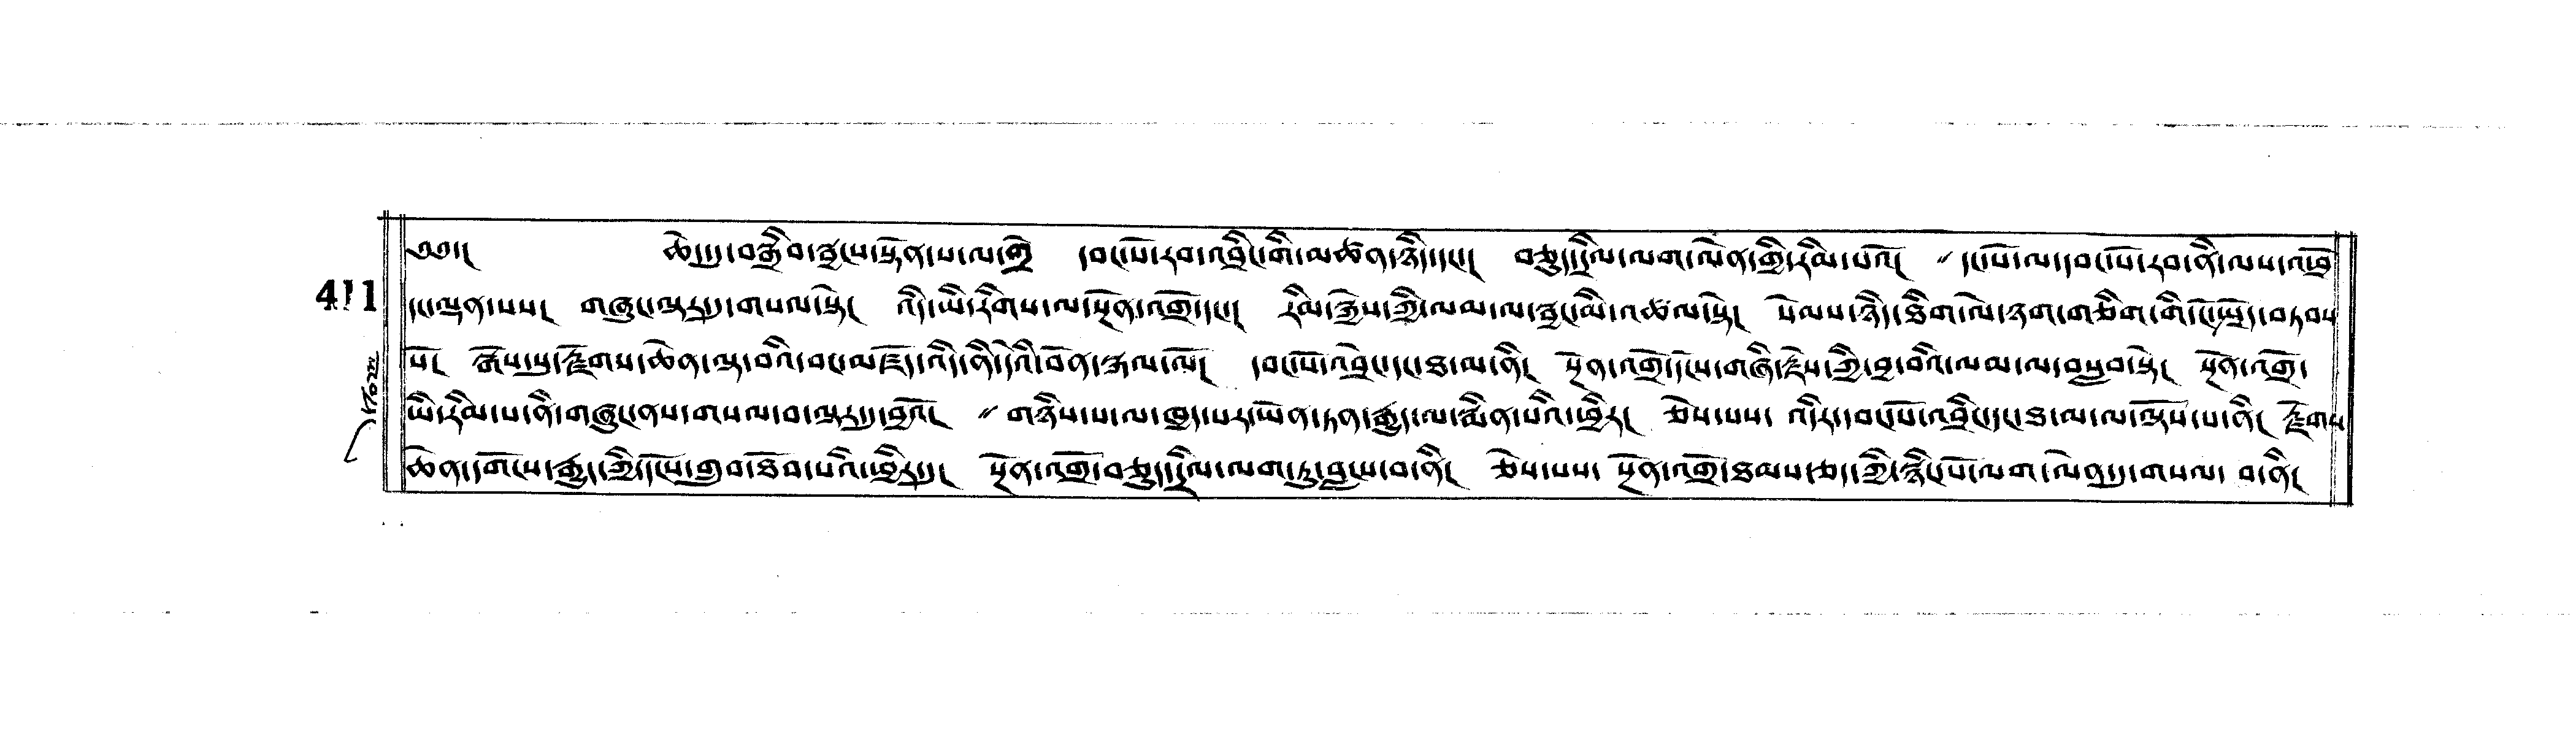ཆེད་དུ་སྒྲིབ་སྦྱང་སྟོན་པ་ལ་གྲོགས་་་་དབང་པོ་རབ་འབྲིང་གི་མཚན་ཉིད་དང་། བཅུད་དྲིལ་ལག་ལེན་གྱི་རིམ་པའོ། དང་པོ་ལ། དབང་པོ་རབ་ནི་ལས་འཕྲོ་
དང་ལྡན་པས། གཞུང་ལྟར་དུ་གསལ་ཏེ། འདི་ཡི་རིགས་ལ་སྔོན་འགྲོ་དང་། རིམ་སྐྱེས་ཀྱི་ལམ་ལ་སྦྱང་མི་འཚལ་ཏེ། སེམས་ཉིད་ཐིག་ལེ་ཉག་གཅིག་གི་ངོ་སྤྲོད་བཏབ་
བོ། སྒོས་སུ་རྫོགས་ཆེན་ལྟ་བའི་བང་མཛོད་འདི་ནི་དེའི་བོན་སྐལ་ལོ། དབང་པོ་འབྲིང་དང་ཐ་མ་ལ་ལྟོས་པ་ནི། རྫོགས་ཆེན་དགོངས་རྒྱུད་ཀྱི་དངོས་གྲུབ་ཐོབ་པའི་ཕྱིར་དུ། སྔོན་འགྲོ་
བཅུད་དྲིལ་ལག་ཏུ་བླང་བ་ནི། ཅེས་པས། སྔོན་འགྲོ་ཐམས་ཅད་ཀྱི་སྙིང་པོ་ལག་ལེན་དུ་གསལ་བ་ནི།